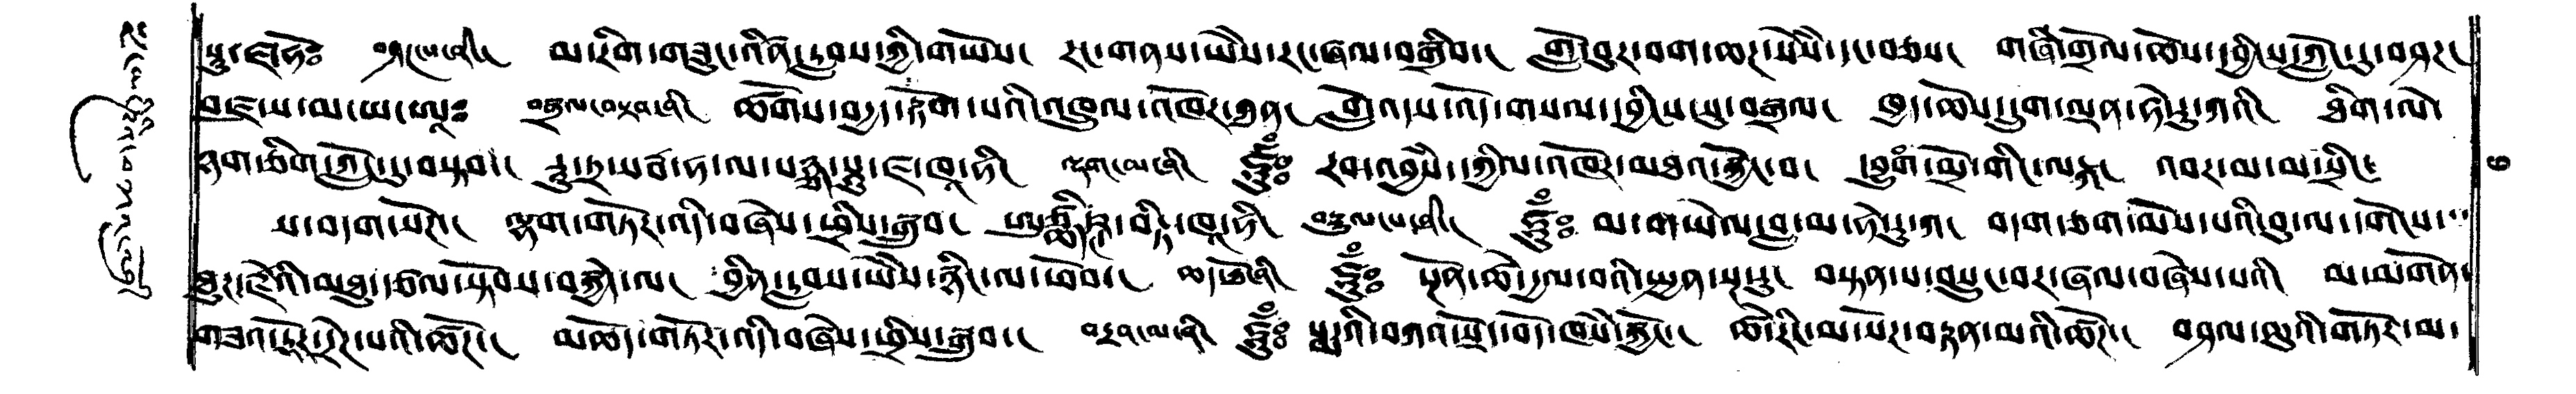པཱུ་ཛ་ཧོཿ བཤགས་པ་ནི། མ་རིག་གཟུང་འཛིན་རླབས་ཀྱི་གཡོས། །རང་གནས་ཡེ་ཤེས་རང་ཞལ་བསྒྲིབས། །གློ་བུར་བག་ཆགས་སེམས་དང་བཅས། །གཞི་གྲོལ་ཆོས་དབྱིངས་ཀློང་དུ་བཤགས། 
བཛྲ་ས་མ་ཡ་ཨཱཿ སྒྲལ་བསྟབ་ནི། ཚོགས་བརྒྱད་རྟོག་པའི་འཁྲུལ་འཁོར་ཀུན། །བློ་འདས་འོད་གསལ་དབྱིངས་སུ་བསྒྲལ། ཁྱད་ཆོས་དྲུག་ལྡན་ཧེ་རུ་ཀའི། །ཐིག་ལེ་
ཉག་ཅིག་ཀློང་དུ་བསྟབ། །རཱུ་ཏྲ་སརྦ་ཧ་ལ་པཉྩ་པཱུ་ཛ་ཁཱ་ཧིཿ ལྷག་མ་ནི། ཧཱུྃ། རབ་འབྱམས་དཀྱིལ་འཁོར་མཐའ་སྐྱོང་བ། །དབང་ཕྱུག་མཁའ་འགྲོ་གིང་ལངྐ། །འབར་མ་མ་སྲིང་
ས་བདག་སོགས། །ལྷག་གཏོར་འདི་བཞེས་ཕྲིན་ལས་སྒྲུབས། ཨུཙྪིཥྚ་བ་ལིངྟ་ཁཱ་ཧིཿ བསྐུལ་པ་ནི། ཧཱུྃ། མ་གཡེལ་བླ་མ་ཧེ་རུ་ཀ །བདག་ཅག་མོས་པའི་བུ་ལ་དགོངས། །
ཐུགས་རྗེའི་མཐུ་རྩལ་སྟོབས་བསྐྱེད་ལ། །བྱིན་རླབས་ཡེ་ཤེས་སྙིང་ལ་ཕོབ། ཆད་ཐོ་ནི། ཧཱུྃ། སྔོན་ཚེ་རྒྱལ་བའི་སྤྱན་སྔ་རུ། །བསྟན་པ་བསྲུང་བར་ཞལ་བཞེས་པའི། །མ་མགོན་
གཟའ་རྡོར་དྲེགས་པའི་ཚོགས། །མཆོད་གཏོར་འདི་བཞེས་ཕྲིན་ལས་སྒྲུབས། བརྟན་མ་ནི། ཧཱུྃ། པདྨའི་བཀའ་སྡོད་བོད་ཁམས་སྐྱོང་། །ཚེ་རིང་མ་སོགས་བརྟན་མའི་ཚོགས། །བཤལ་ཆུའི་གཏོར་མ་